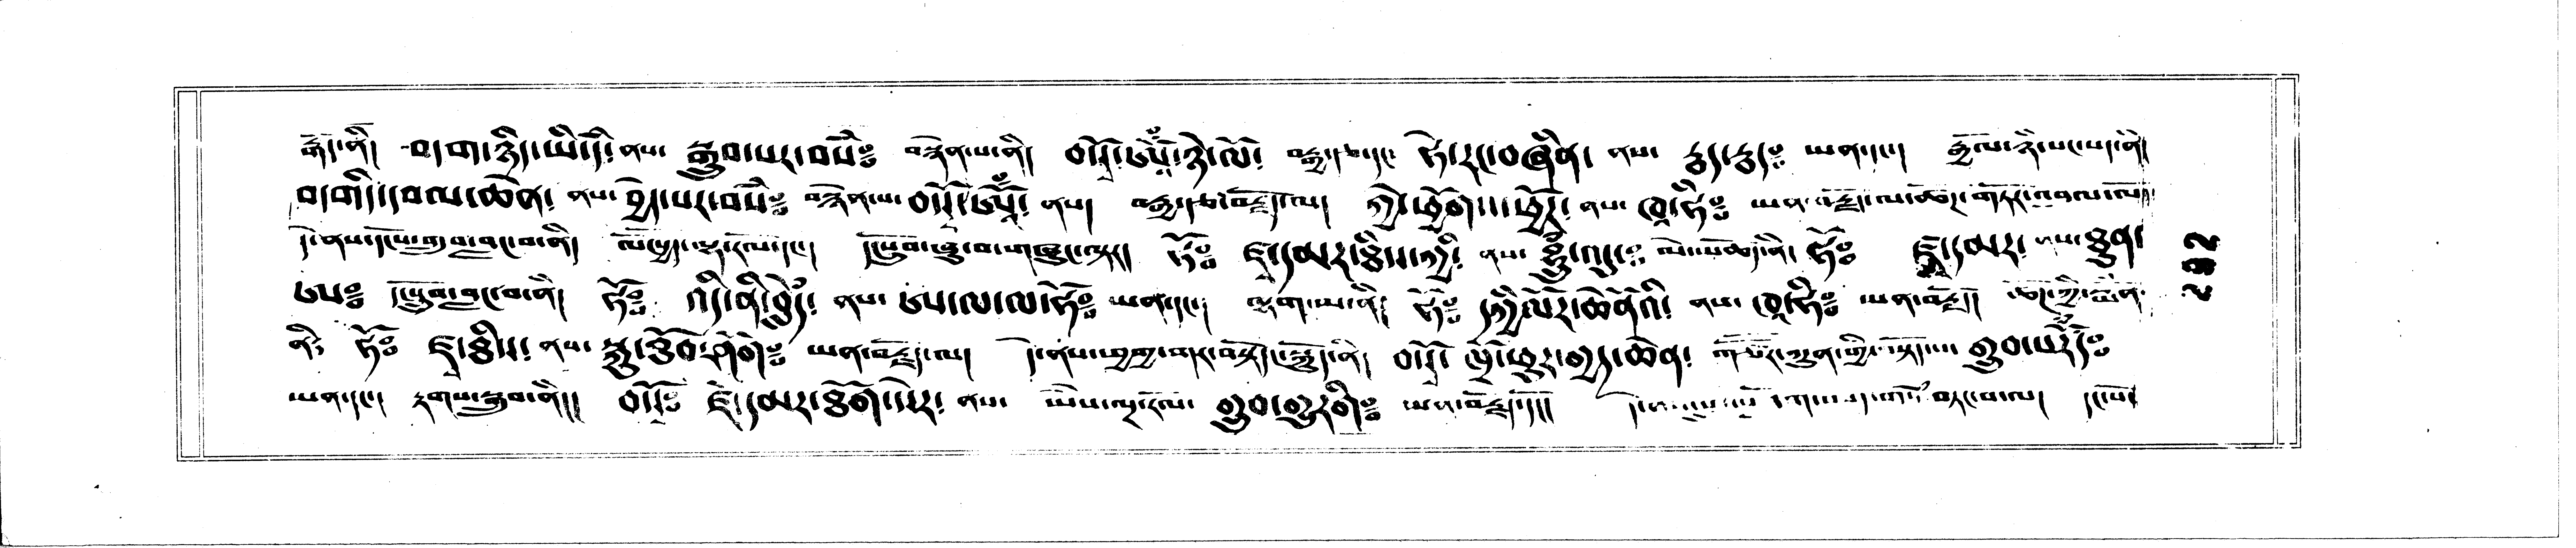རྒོད་ནི། བདག་ཉིད་ཡི་དམ་ནས་སྒྲུབ་པར་བསམཿ བསྙེན་པ་ནི། བསྭོ་ཨཱོྃ་ཉེ་ལོ་བརྒྱ་རྩ་དང་། ཧེ་རང་བཞིན་ནས་རྦད་རྦདཿ ཡན་དང་། རྒྱལ་པོ་ཉི་པང་སད་ནི། 
བདག་ཉིད་དབལ་ཆེན་ནས་བྱེད་པར་བསམ། བསྙེན་པ་བསྭོ་ཨཱོྃཿ ནས་བརྒྱ་རྩ་བརྗོད་ལ། ཀྱེ་ཕྱོགས་ཕྱོགས་ནས་ཁ་ཧིཿ ཡན་བརྗོད་ལ་ཚོགས་གཏོར་འབུལ་ལོ། 
དེ་ནས་དངོས་གྲུབ་བླང་བ་ནི། ལོངས་སྤྱོད་ལྷ་རོལ་དང་། དངོས་གྲུབ་བླང་བ་གཞུང་ལྟར་བྱ། ཧོཿ ཛྭ་དམར་ཐིས་ཀྱི་ནས་བྷྲུཾ་འདུཿ མེ་མཆོད་ནི། ཧོཿ ཛྭ་དམར་ནས་ཐུན་
ཨཿ དངོས་གྲུབ་བླང་བ་ནི། ཧོཿ འདི་ནི་བླ་མེད་ནས་ཨ་ལ་ལ་ཧོཿ ཡན་དང་། ལྷག་མ་ནི། ཧོཿ དཀྱིལ་འཁོར་ཆེན་པོའི་ནས་ཁ་ཧིཿ ཡན་བརྗོད་ལ། ཚོགས་ཀྱི་སྨོན་ལམ་
ནི། ཧོཿ ཛྭ་ཐིས་ནས་སྐུ་ཐོབ་ཤོགཿ ཡན་བརྗོད་ལ། དེ་ནས་ཕྱག་རྒྱ་གར་བསྟོད་སྐུ་བསྟོད་ནི། བསྭོ་ཁྲོ་ཕུར་གྱད་ཆེན་གཙོ་འཁོར་ཀུན་གྱི་བསྟོད་པ་གྲུབ་པར་མཛོད། 
ཡན་དང་། རྟགས་སྒྲུབ་ནི། བསྭོཿ ཛོ་དམར་ཐོག་སེར་ནས་ཡེ་ཤེས་ལྔ་རོལ་གྲུབ་འགྱུར་ཅིགཿ ཡན་བརྗོད་དོ། །དེ་ནས་བསྲུང་བཟློག་བསད་གསུམ་གཏོང་བ་ལཿ དང་པོ་